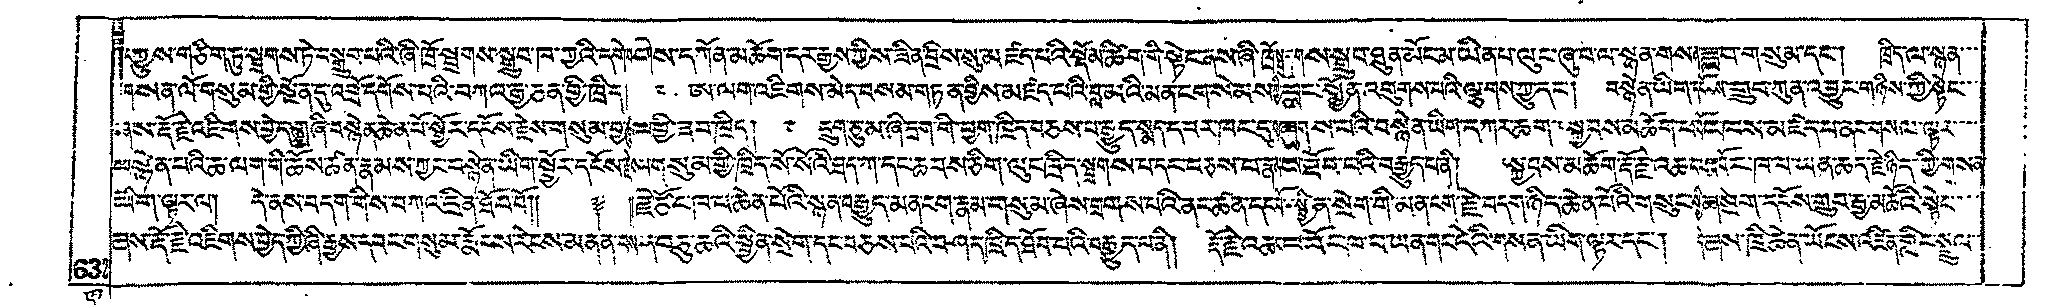དཀྱུས་གཅིག་ཏུ་སྦྲགས་ཏེ་བསྒྲུབ་པའི་ཞི་ཁྲོ་སྦྲགས་སྒྲུབ་ཁ་ཀྱའི་དགེ་བཤེས་དཀོན་མཆོག་དར་རྒྱས་ཀྱིས་ཟིན་བྲིས་སུ་མཛད་པའི་སྡོམ་ཚིག་གི་སྟེང་ནས་ཞི་ཁྲོ་སྦྲགས་སྒྲུབ་ཐུན་མོང་མ་ཡིན་པ་ལུང་ཞུ་བ་ལ་སྙན་གསན་ཟླ་བ་གསུམ་དང་། ཁྲིད་ལ་སྙན་
གསན་ལོ་གསུམ་གྱི་སྔོན་དུ་འགྲོ་དགོས་པའི་བཀའ་རྒྱ་ཅན་གྱི་ཁྲིད། ༧་ཨ་ལག་འཇིགས་མེད་བསམ་གཏན་གྱིས་མཛད་པའི་བླ་མའི་མན་ངག་སེམས་ཀྱི་གླང་སྨྱོན་འགུགས་པའི་ལྕགས་ཀྱུ་དང་། བསྙེན་ཡིག་དངོས་གྲུབ་ཀུན་འབྱུང་གཉིས་ཀྱི་སྟེང་
ནས་རྡོ་རྗེ་འཇིགས་བྱེད་གཞི་བསྙེན་ཆེན་པོ་སྦྱོར་དངོས་རྗེས་གསུམ་བྱ་ཚུལ་གྱི་ཟབ་ཁྲིད། ༧་དྲུག་ཅུ་མ་ཞི་དྲག་གི་ཕྱག་ཁྲིད་བཅས་པ་རྒྱུད་སྨད་དཔར་ཁང་དུ་བཞུགས་པའི་བསྙེན་ཡིག་དཀར་ཆག ༧སྐྱབས་མཆོག་ཕ་བོང་ཁས་མཛད་པ་ནང་གསལ་ལྟར་
བསྙེན་པའི་ཆ་ལག་གི་ཆོས་ཚན་རྣམས་ཀྱང་བསྙེན་ཡིག་སྦྱོར་དངོས་རྗེས་གསུམ་གྱི་ཁྲིད་སོ་སོའི་ཐད་ཀ་དང་ཆབས་ཅིག་ལུང་ཁྲིད་སྦྲགས་པ་དང་བཅས་པ་རྣམས་ཐོབ་པའི་བརྒྱུད་པ་ནི། ༧སྐྱབས་མཆོག་རྡོ་རྗེ་འཆང་ཕ་བོང་ཁ་པ་ཡན་ཆད་རྗེ་ཉིད་ཀྱི་གསན་
ཡིག་ལྟར་ལ། དེ་ནས་བདག་གིས་བཀའ་དྲིན་ཐོབ་བོ།། འ་།།རྗེ་ཙོང་ཁ་པ་ཆེན་པོའི་སྙན་བརྒྱུད་མན་ངག་རྣམ་གསུམ་ཞེས་གྲགས་པའི་ནང་ཚན་དང་པོ་སྦྱིན་སྲེག་གི་མན་ངག་རྗེ་བདག་ཉིད་ཆེན་པོའི་གསུང་སྦྱིན་སྲེག་དངོས་གྲུབ་རྒྱ་མཚོའི་སྟེང་
ནས་རྡོ་རྗེ་འཇིགས་བྱེད་ཀྱི་ཞི་རྒྱས་དབང་གསུམ་རྨོངས་རེངས་མནན་བསད་བཅུ་ཆའི་སྦྱིན་སྲེག་དང་བཅས་པའི་བཤད་ཁྲིད་ཐོབ་པའི་བརྒྱུད་པ་ནི། རྡོ་རྗེ་འཆང་ཕ་བོང་ཁ་པ་ཡང་གང་དེའི་གསན་ཡིག་ལྟར་དང་། དེ་ནས་ཁྲི་ཆེན་ཡོངས་འཛིན་གླིང་སྤྲུལ་